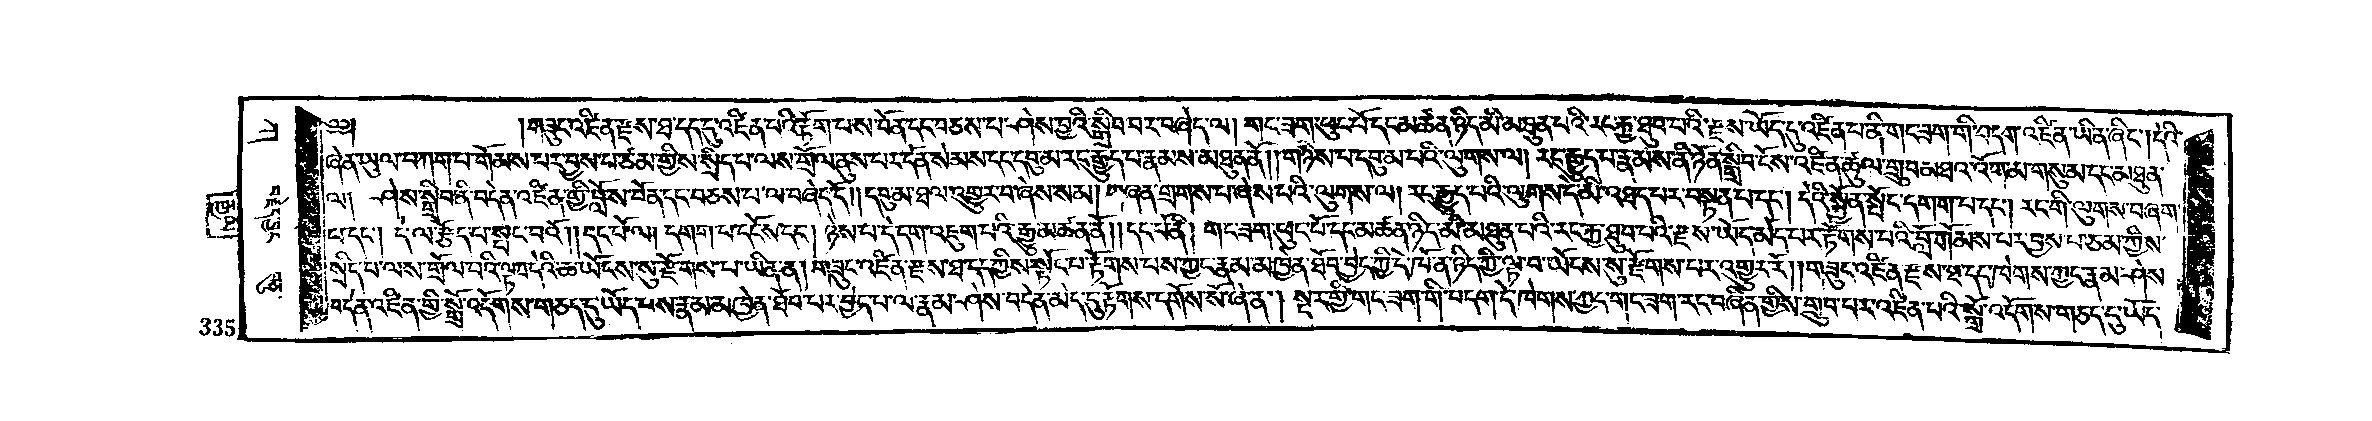༄༅། །གཟུང་འཛིན་རྫས་ཐ་དད་དུ་འཛིན་པའི་རྟོག་པས་ས་བོན་དང་བཅས་པ་ཤེས་བྱའི་སྒྲིབ་པར་བཞེད་ལ། གང་ཟག་ཕུང་པོ་དང་མཚན་ཉིད་མི་མཐུན་པའི་རང་རྐྱ་མཐུན་པའི་རང་རྐྱན་ཐུབ་པའི་རྫས་ཡོད་དུ་འཛིན་པ་ནི་གང་ཟག་གི་བདག་འཛིན་ཡིན་ཞིང་། དེའི་
ཞེན་ཡུལ་བཀག་པ་གོམས་པར་བྱས་པ་ཙམ་གྱིས་སྲིད་པ་ལས་གྲོལ་ནུས་པར་དོན་སེམས་དང་དབུ་མ་རང་རྒྱུད་པ་རྣམས་མཐུན་ནོ། །གཉིས་པ་དབུ་མ་པའི་ལུགས་ལ། རང་རྒྱུད་པ་རྣམས་ནི་ཉོན་སྒྲིབ་ངོས་འཛིན་ཚུལ་གྲུབ་མཐའ་འོག་མ་གསུམ་དང་མཐུན་
ལ། ཤེས་སྒྲིབ་ནི་བདེན་འཛིན་གྱི་བློ་ས་བོན་དང་བཅས་པ་ལ་བཞེད་དོ། །དབུ་མ་ཐལ་འགྱུར་བ་ཞེས་སམ། གཞན་གྲགས་པ་ཞེས་པའི་ལུགས་ལ། རང་རྒྱུད་པའི་ལུགས་དེ་མི་འཐད་པར་བསྟན་པ་དང་། དེའི་སྐྱོན་སྤོང་དགག་པ་དང་། རང་གི་ལུགས་བཞག་
པ་དང་། དེ་ལ་རྩོད་པ་སྤང་བའོ། །དང་པོ་ལ། དགག་པ་དངོས་དང་། ཉེས་པ་དེ་དག་འཇུག་པའི་རྒྱུ་མཚན་ནོ། །དང་པོ་ནི། གང་ཟག་ཕུང་པོ་དང་མཚན་ཉིད་མི་མཐུན་པའི་རང་རྐྱ་ཐུབ་པའི་རྫས་ཡོད་མེད་པར་རྟོགས་པའི་བློ་གོམས་པར་བྱས་པ་ཙམ་གྱིས་
སྲིད་པ་ལས་གྲོལ་བའི་ལྟ་བ་དེའི་ཆ་ཡོངས་སུ་རྫོགས་པ་ཡིན་ན། གཟུང་འཛིན་རྫས་ཐ་དད་ཀྱིས་སྟོང་པ་རྟོགས་པས་ཀྱང་རྣམ་མཁྱེན་ཐོབ་བྱེད་ཀྱི་དེ་ཁོ་ན་ཉིད་ཀྱི་ལྟ་བ་ཡོངས་སུ་རྫོགས་པར་འགྱུར་རོ། །གཟུང་འཛིན་རྫས་ཐ་དད་ཁེགས་ཀྱང་རྣམ་ཤེས་
བདེན་འཛིན་གྱི་སྒྲོ་འདོགས་གཅད་དུ་ཡོད་པས་རྣམ་མཁྱེན་ཐོབ་པར་བྱེད་པ་ལ་རྣམ་ཤེས་བདེན་མེད་དུ་རྟོགས་དགོས་སོ་ཞེ་ན། སྔར་གྱི་གང་ཟག་གི་བདག་དེ་ཁེགས་ཀྱང་གང་ཟག་རང་བཞིན་གྱིས་གྲུབ་པར་འཛིན་པའི་སྒྲོ་འདོགས་གཅད་དུ་ཡོད་